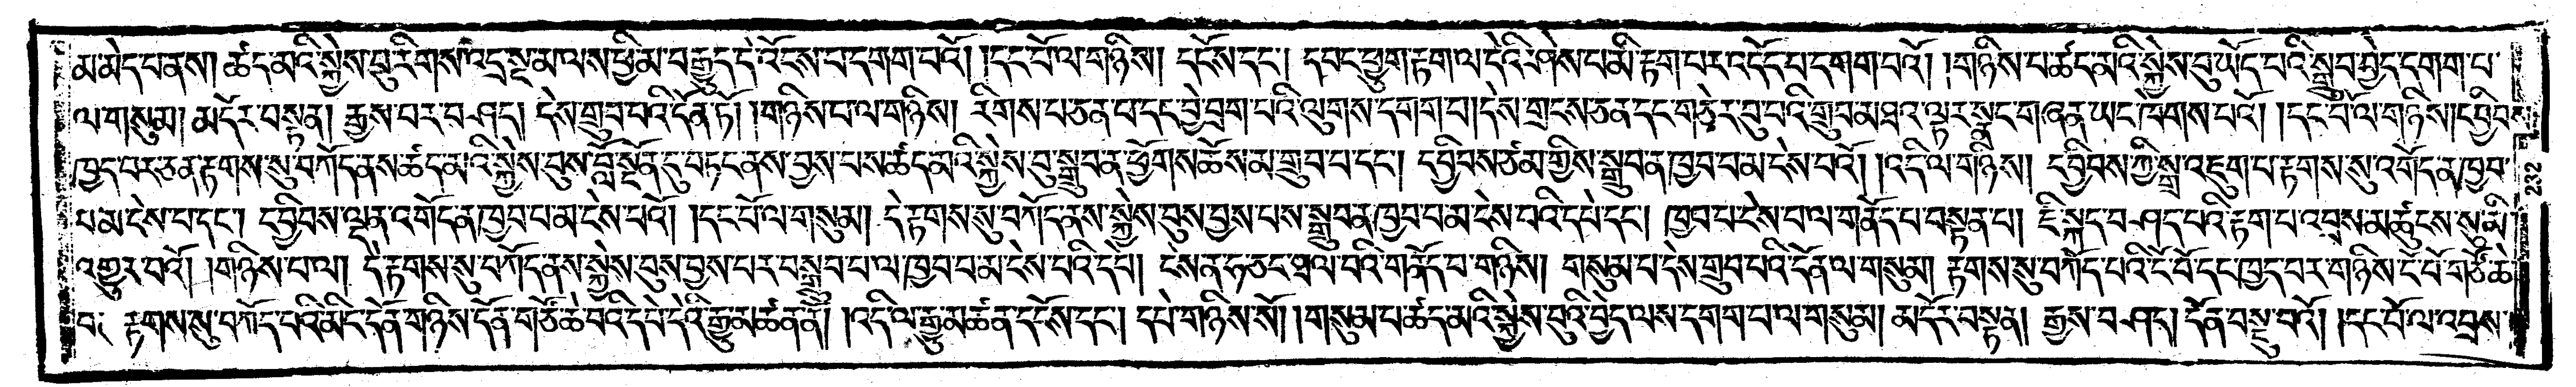མ་མེད་པ་ནས། ཚད་མའི་སྐྱེས་བུ་རིགས་འདྲ་སྔ་མ་ལས་ཕྱི་མ་བརྒྱུད་དེ་འོངས་པ་དགག་པའོ། །དང་པོ་ལ་གཉིས། དངོས་དང་། དབང་ཕྱུག་རྟག་ལ་དེའི་ཤེས་པ་མི་རྟག་པར་འདོད་པ་དགག་པའོ། །གཉིས་པ་ཚད་མའི་སྐྱེས་བུ་ཡོད་པའི་སྒྲུབ་བྱེད་དགག་པ་
ལ་གསུམ། མདོར་བསྟན། རྒྱས་པར་བཤད། དེས་གྲུབ་པའི་དོན་ཏོ། །གཉིས་པ་ལ་གཉིས། རིགས་པ་ཅན་པ་དང་བྱེ་བྲག་པའི་ལུགས་དགག་པ། དེས་གྲངས་ཅན་དང་གཅེར་བུ་པའི་གྲུབ་མཐའ་ལྟར་སྣང་གཞན་ཡང་ཁེགས་པའོ། །དང་པོ་ལ་གཉིས། དབྱིབས་
ཁྱད་པར་ཅན་རྟགས་སུ་བཀོད་ནས་ཚད་མའི་སྐྱེས་བུས་བློ་སྔོན་དུ་བཏང་ནས་བྱས་པས་ཚད་མའི་སྐྱེས་བུ་སྒྲུབ་ན་ཕྱོགས་ཆོས་མ་གྲུབ་པ་དང་། དབྱིབས་ཙམ་གྱིས་སྒྲུབ་ན་ཁྱབ་པ་མ་ངེས་པའོ། །འདི་ལ་གཉིས། དབྱིབས་ཀྱི་སྒྲ་འཇུག་པ་རྟགས་སུ་འགོད་ན་ཁྱབ་
པ་མ་ངེས་པ་དང་། དབྱིབས་ལྡན་འགོད་ན་ཁྱབ་པ་མ་ངེས་པའོ། །དང་པོ་ལ་གསུམ། དེ་རྟགས་སུ་བཀོད་ནས་སྐྱེས་བུས་བྱས་པས་སྒྲུབ་ན་ཁྱབ་པ་མ་ངེས་པའི་དཔེ་དང་། ཁྱབ་པ་ངེས་པ་ལ་གནོད་པ་བསྟན་པ། ཇི་སྐད་བཤད་པའི་རྟག་པ་འབྲས་མཚུངས་སུ་མི་
འགྱུར་བའོ། །གཉིས་པ་ལ། དེ་རྟགས་སུ་བཀོད་ནས་སྐྱེས་བུས་བྱས་པར་བསྒྲུབ་པ་ལ་ཁྱབ་པ་མ་ངེས་པའི་དཔེ། ངེས་ན་ཧ་ཅང་ཐལ་བའི་གནོད་པ་གཉིས། གསུམ་པ་དེས་གྲུབ་པའི་དོན་ལ་གསུམ། རྟགས་སུ་བཀོད་པའི་ངོ་བོ་དང་ཁྱད་པར་གཉིས་ངོ་བོ་གཙོ་ཆེ་
བ། རྟགས་སུ་བཀོད་པའི་མིང་དོན་གཉིས་དོན་གཙོ་ཆེ་བའི་དཔེ་དེའི་རྒྱུ་མཚན་ནོ། །འདི་ལ་རྒྱུ་མཚན་དངོས་དང་། དཔེ་གཉིས་སོ། །གསུམ་པ་ཚད་མའི་སྐྱེས་བུའི་བྱེད་ལས་དགག་པ་ལ་གསུམ། མདོར་བསྟན། རྒྱས་བཤད། དོན་བསྡུ་བའོ། །དང་པོ་ལ་འབྲས་